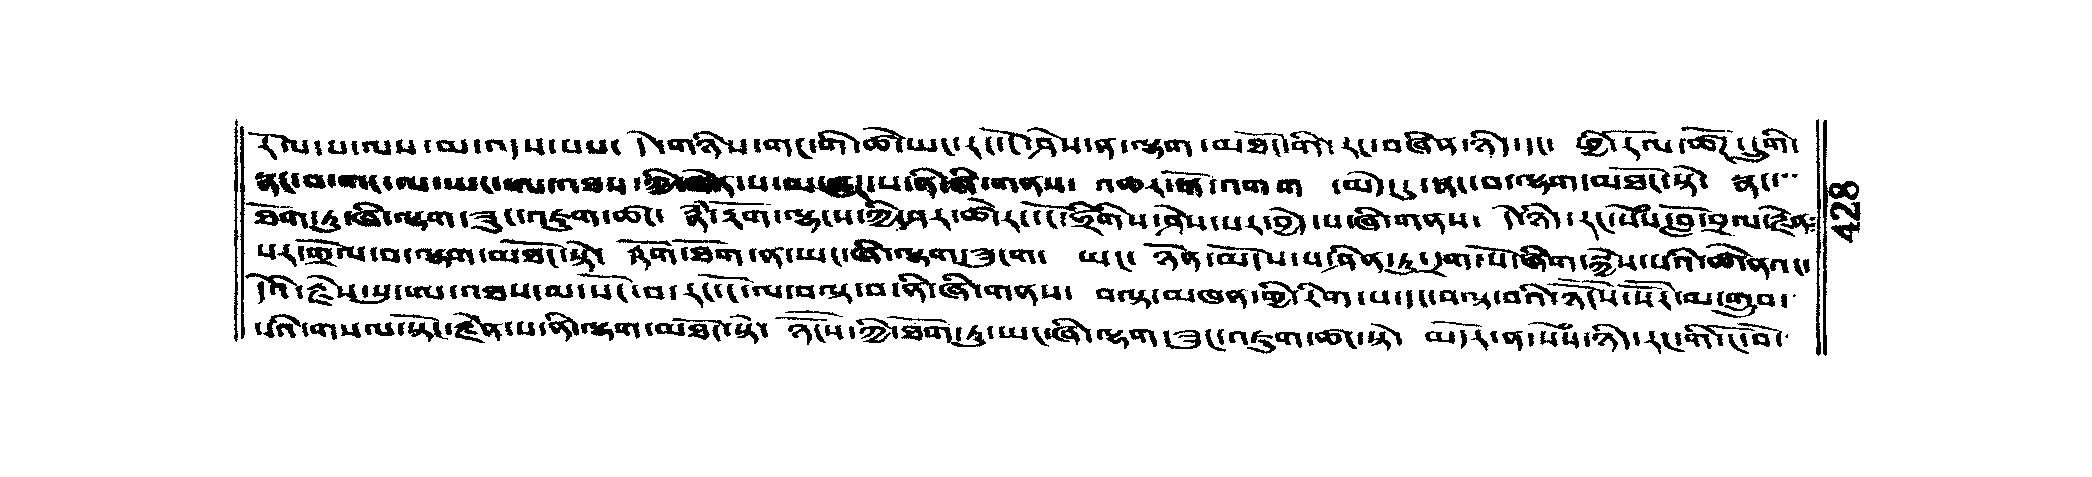རོལ་པ་ལས་མ་འདས་པས། དེ་གཉིས་གང་གི་ཚེ་ཡང་རང་ངོ་ཤེས་ན་ལྷག་མཐོང་གི་རང་བཞིན་ཉིད་དང་། ཕྱི་རོལ་ཚོགས་དྲུག་གི་
སྣང་བ་གང་ལ་ཡང་ཨ་འཐས་ཀྱི་ཞེན་པ་མ་ཞུགས་པ་ནི་ཞི་གནས།འཆར་སྒོ་འགགས་མེད་དུ་སྣང་བ་ལྷག་མཐོང་སྟེ། སྣང་
ཐོག་ཏུ་ཞི་ལྷག་ཟུང་འཇུག་ཚང་། རྣམ་རྟོག་ལྷངས་ཀྱི་ཤར་ཚེ་རང་ངོ་ཧྲིག་གིས་ཤེས་པར་བྱེད་པ་ཞི་གནས། དེ་ཉིད་རང་སེམས་བློ་བྲལ་རྗེན་
པར་གྲོལ་བ་ལྷག་མཐོང་སྟེ། རྟོག་ཐོག་ན་ཡང་ཞི་ལྷག་ཟུང་འཇུག ཡང་། ཉོན་མོངས་པ་ཤིན་ཏུ་དྲག་པོ་ཞིག་སྐྱེས་པའི་ཚེ་ནའང་
དེའི་རྗེས་སུ་ཨ་འཐས་སུ་མ་སོང་བ་རང་ངོ་ལ་བལྟ་བ་ནི་ཞི་གནས། བལྟ་མཁན་གྱི་རིག་པ་དང་བལྟ་བའི་ཉོན་མོངས་སོ་སོར་མ་གྲུབ་
པའི་གསལ་སྟོང་རྗེན་པ་ནི་ལྷག་མཐོང་སྟེ། ཉོན་མོངས་ཀྱི་ཐོག་ཏུ་ཡང་ཞི་ལྷག་ཟུང་འཇུག་ཚང་སྟེ། མདོར་ན་སེམས་ཉིད་རང་གི་ངོ་བོ་